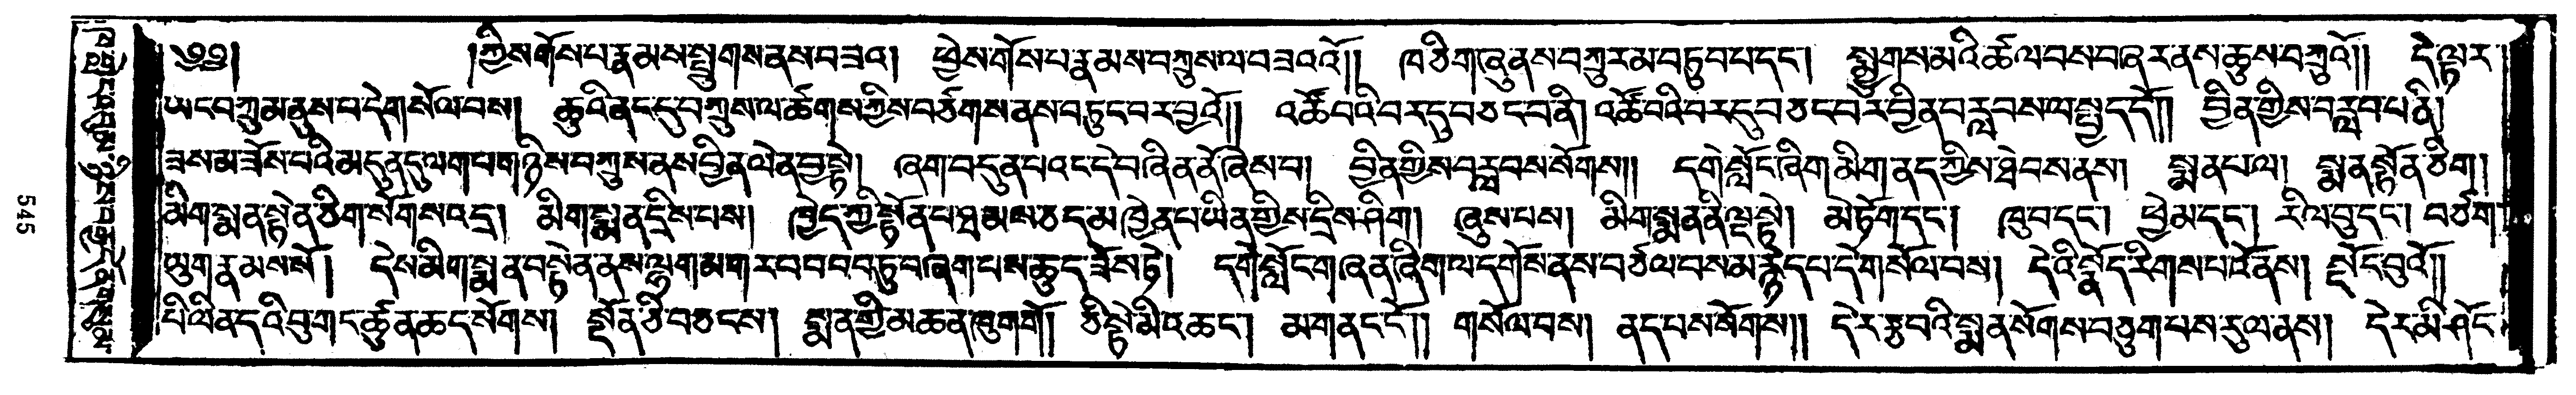༄༅། །ཀྱིས་གོས་པ་རྣམས་སྤྲུགས་ནས་བཟའ། ཕྱེས་གོས་པ་རྣམས་བཀྲུས་ལ་བཟའའོ།། ཁ་ཅིག་ཞུ་ནས་བཀྲུ་མ་བཏུབ་པ་དང་། སྨྱུགས་མའི་ཚལ་བས་བཞར་ནས་ཆུས་བཀྲུའོ།། དེ་ལྟར་
ཡང་བཀྲུམ་ནུས་པ་དེ་གསོལ་བས། ཆུའི་ནང་དུ་བཀྲུས་ལ་ཚགས་ཀྱིས་བཙགས་ནས་བཏུང་བར་བྱའོ།། འཚོ་བའི་བར་དུ་བཅང་བ་ནི། འཚོ་བའི་བར་དུ་བཅང་བར་བྱིན་བརླབས་ལ་སྤྱད་དོ།། བྱིན་གྱིས་བརླབ་པ་ནི།
ཟས་མ་ཟོས་པའི་མདུན་དུ་ལག་པ་གཉིས་བཀྲུས་ནས་བྱིན་ལེན་བྱ་སྟེ། ཞག་བདུན་པའང་དེ་བཞིན་ནོ་ཞེས་པ། བྱིན་གྱིས་བརླབས་སོགས།། དགེ་སློང་ཞིག་མིག་ནད་ཀྱིས་ཐེབས་ནས། སྨན་པ་ལ། སྨན་སྟོན་ཅིག།
མིག་སྨན་སྟེན་ཅིག་སོགས་འདྲ། མིག་སྨན་དྲིས་པས། ཁྱེད་ཀྱི་སྟོན་པ་ཐམས་ཅད་མཁྱེན་པ་ཡིན་གྱིས་དྲིས་ཤིག། ཞུས་པས། མིག་སྨན་ནི་ལྔ་སྟེ། མེ་ཏོག་དང་། ཁུ་བ་དང་། ཕྱེ་མ་དང་། རིལ་བུ་དང་། བཙག་
ཡུག་རྣམས་སོ། དེས་མིག་སྨན་བསྟེན་ནས་ལྷག་མ་གར་བབ་བབ་ཏུ་བཞག་པས་ཆུད་ཟོས་ཏེ། དགེ་སློང་གཞན་ཞིག་ལ་དགོས་ནས་བཙལ་བས་མ་རྙེད་པ་དེ་གསོལ་བས། དེའི་སྣོད་རིགས་པའོ་ནས། སྡོང་བུའོ།།
པི་ལིན་དའི་བུ་གང་ཚུན་ཆད་སོགས། སྡོན་ཅི་བཅངས། སྨན་གྱི་མཆན་ཁུག་གོ། ཅི་སྟེ་མི་འཆང་། མ་གནང་ངོ།། གསོལ་བས། ནད་པས་སོགས།། དེ་ར་རྩ་བའི་སྨན་སོགས་བཅུག་པས་རུལ་ནས། དེར་མི་ཤོད་